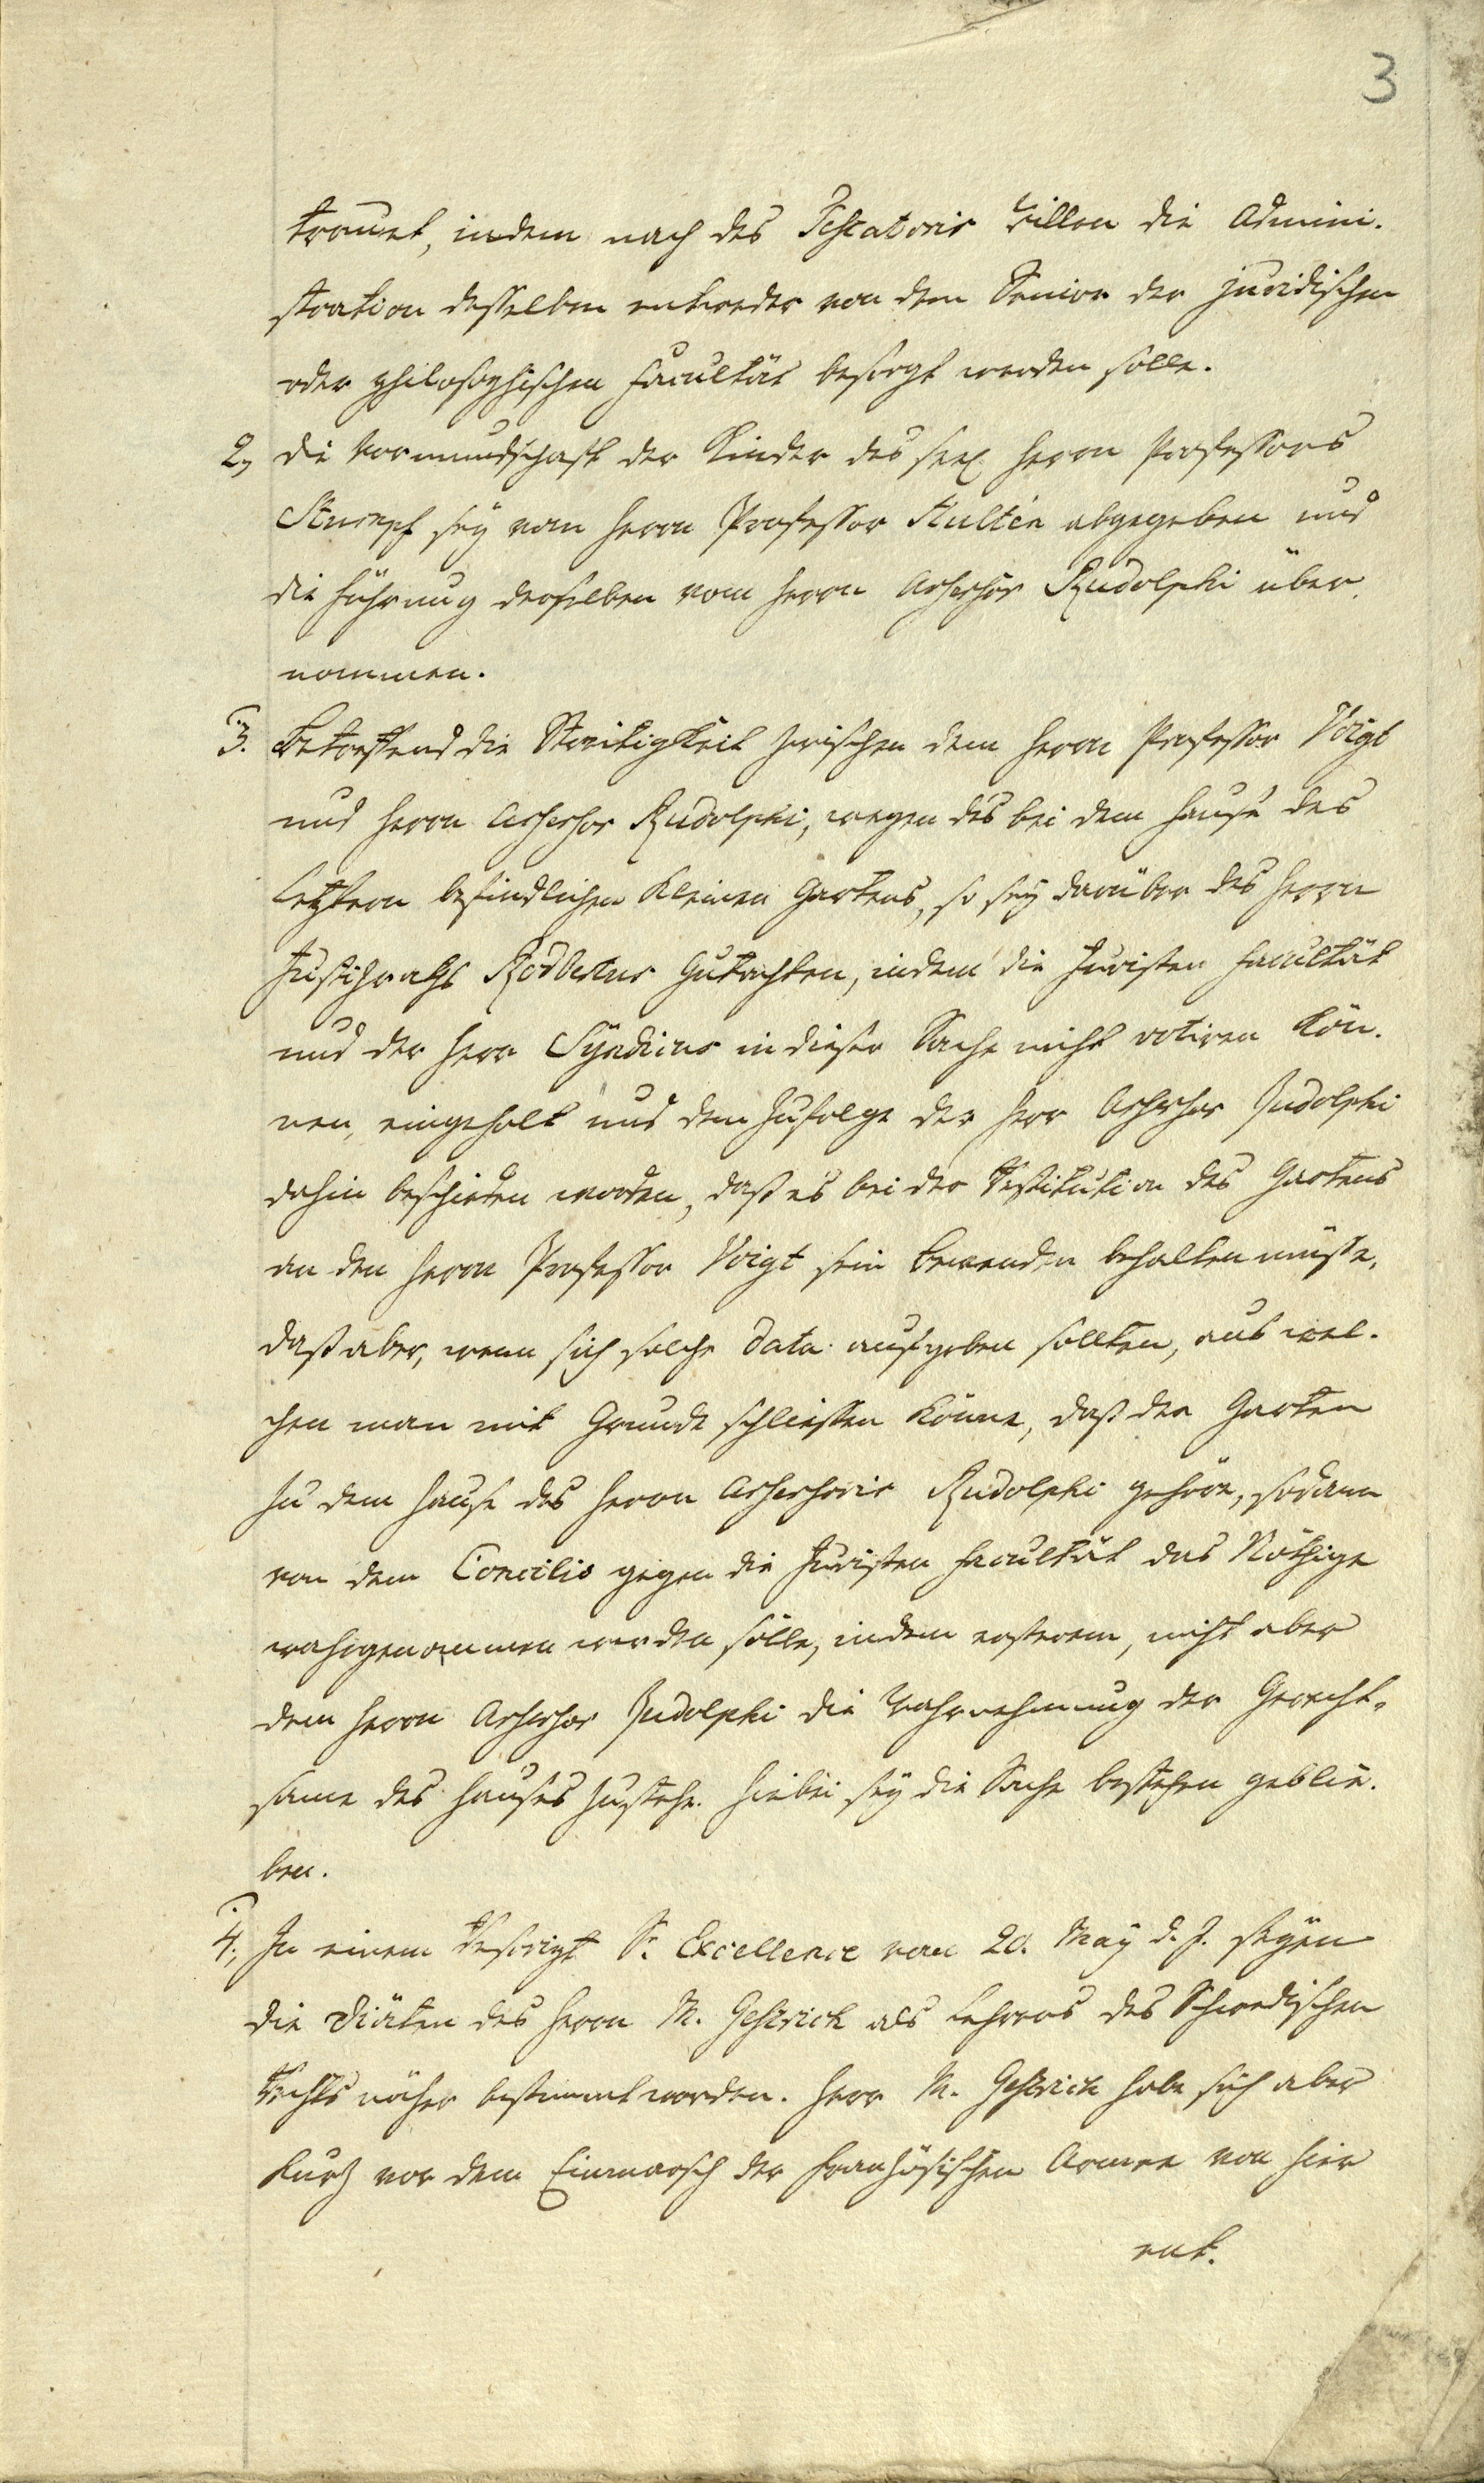trauet, indem nach des Testatoris Willen die Admini¬
stration desselben entweder von dem Senior der juridischen
der philosophischen Facultät besorgt werden solle.
2., die Vormundschaft der Kinder des seel. Herrn Professors
Stumpf seÿ vom Herrn Professor Hultén abgegeben und
die Führung derselben vom Herrn Assessor Rudolphi über-
nommen.
3. Betreffend die Streitigkeit zwischen dem Herrn Professor Voigt
und Herrn Assessor Rudolphi, wegen des bei dem Hause des
letztern befindlichen kleinen Gartens, so seÿ darüber des Herrn
Justizraths Rodbertus Gutachten, indem die Juristen Facultät
und der Herr Sÿndicus in dieser Sache nicht votiren kön¬
nen, eingeholt und dem Zufolge der Herr Assessor Rudolphi
dahin beschieden worden, daß es bei der Restitution des Gartens
an den Herrn Professor Voigt sein Bewenden behalten müsse,
daß aber, wenn sich solche data aufgeben sollten, aus wel¬
chen man mit Grunde schliessen könne, daß der Garten
zu dem Hause des Herrn Assessoris Rudolphi gehöre, sodann
von dem Concilio gegen die Juristen Facultät das Nöthige
wahrgenommen werden solle, indem ersterem, nicht aber
dem Herrn Assessor Rudolphi die Wahrnehmung der Gerecht¬
same des Hauses zustehe. Hiebei seÿ die Sache bestehen geblie¬
ben.
4., In einem Rescript Sr Excellence vom 20. Maÿ d. J. seÿen
die Diäten des Herrn M. Gestrich als Lehrers des Schwedischen
Rechts näher bestimmt worden. Herr M. Gestrich habe sich aber
kurz vor dem Einmarsch der Französischen Armee von hier
ent¬